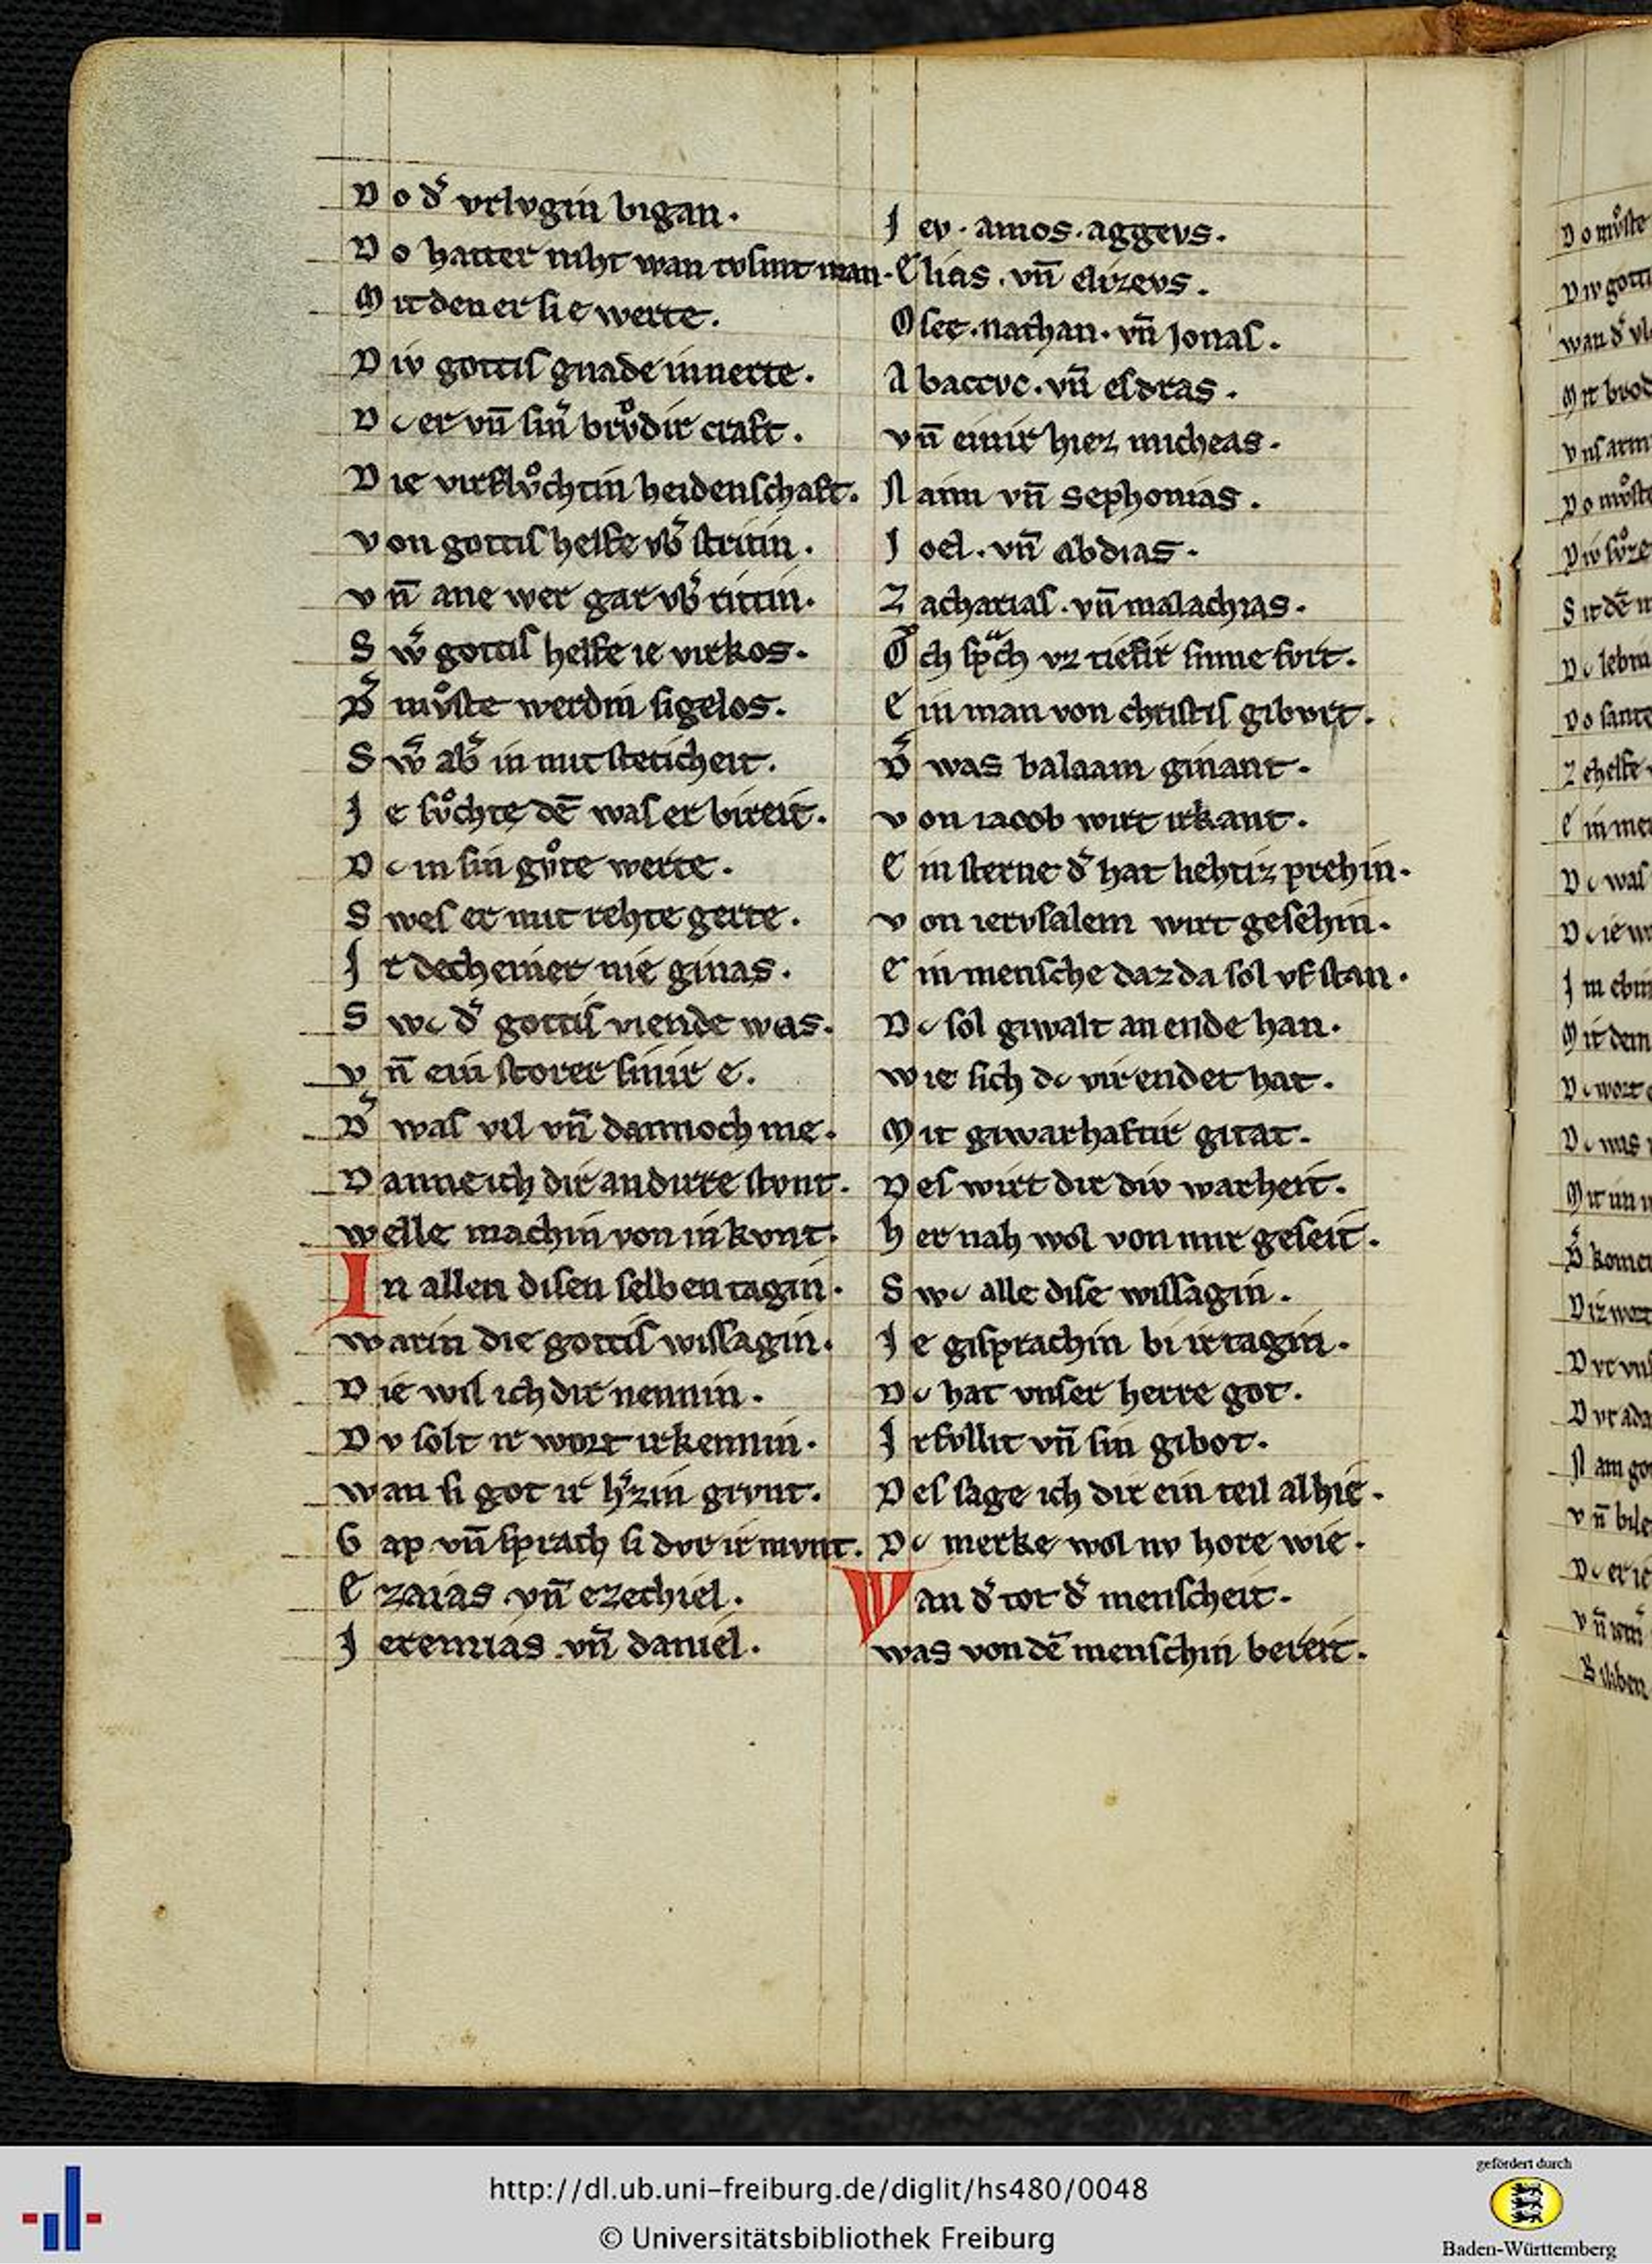Do d(er) vrlvgin bigan.
Do hatter niht wan tvſint man.
Mit den er ſi e werte.
Div gottiſ gnade innerte.
D(az) er vn(d) ſin(er) brv°odir craft.
Die virflv°ochtin heidenſchaft.
Von gottiſ helfe vb(er) ſtritin.
Vn(d) ane wer gar vb(er) rittin.
Sw(er) gottiſ helfe ie virkos.
D(er) mv°oſte werdin ſigelos.
Sw(er) ab(er) in mit ſteticheit.
Ie ſv°ochte de(m) waſ er bireit.
D(az) in ſin gv°ote werte.
Sweſ er mit rehte gerte.
Ir decheiner nie ginas.
Sw(az) d(er) gottiſ viende was.
Vn(d) ein ſtorer ſinir e.
D(er) waſ vil vn(d) dannoch me.
Danne ich dir an dirre ſtvnt.
Welle machin von in kvnt.
*In allen diſen ſelben tagin.
Warin die gottiſ wiſſagin.
Die wil ich dir nennin.
Dv ſolt ir wort irkennin.
Wan ſi got ir h(er)zin grvnt.
Gap vn(d) ſprach ſi dvr ir mvnt.
Ezaias. vn(d) ezechiel.
Ieremias. vn(d) daniel.
Iev. amos. aggevs.
Elias. vn(d) elizevs.
Oſee. nathan. vn(d) Jonaſ.
Abaccuc. vn(d) eſdras.
Vn(d) einir hiez micheas.
Naim vn(d) sephonias.
Joel. vn(d) abdias.
Zachariaſ. vn(d) malachias.
O°vch ſp(ra)ch vz tiefir ſinne fvrt.
Ein man von christiſ gibvrt.
D(er) was balaam ginant.
Von iacob wirt irkant.
Ein ſterne d(er) hat liehtiz prehin.
Von iervſalem wirt geſehin.
Ein menſche daz da ſol vf ſtan.
Daz ſol giwalt an ende han.
Wie ſich d(az) vir endet hat.
Mit giwarhaftir gitat.
Deſ wirt dir div warheit.
Her nah wol von mir geſeit.
Sw(az) alle diſe wiſſagin.
Ie giſprachin bi ir tagin.
D(az) hat vnſer herre got.
Irfvllit vn(d) ſin gibot.
Deſ ſage ich dir ein teil alhie.
D(az) merke wol nv hore wie.
**Wan d(er) tot d(er) menſcheit.
Was von de(n) menſchin bereit.